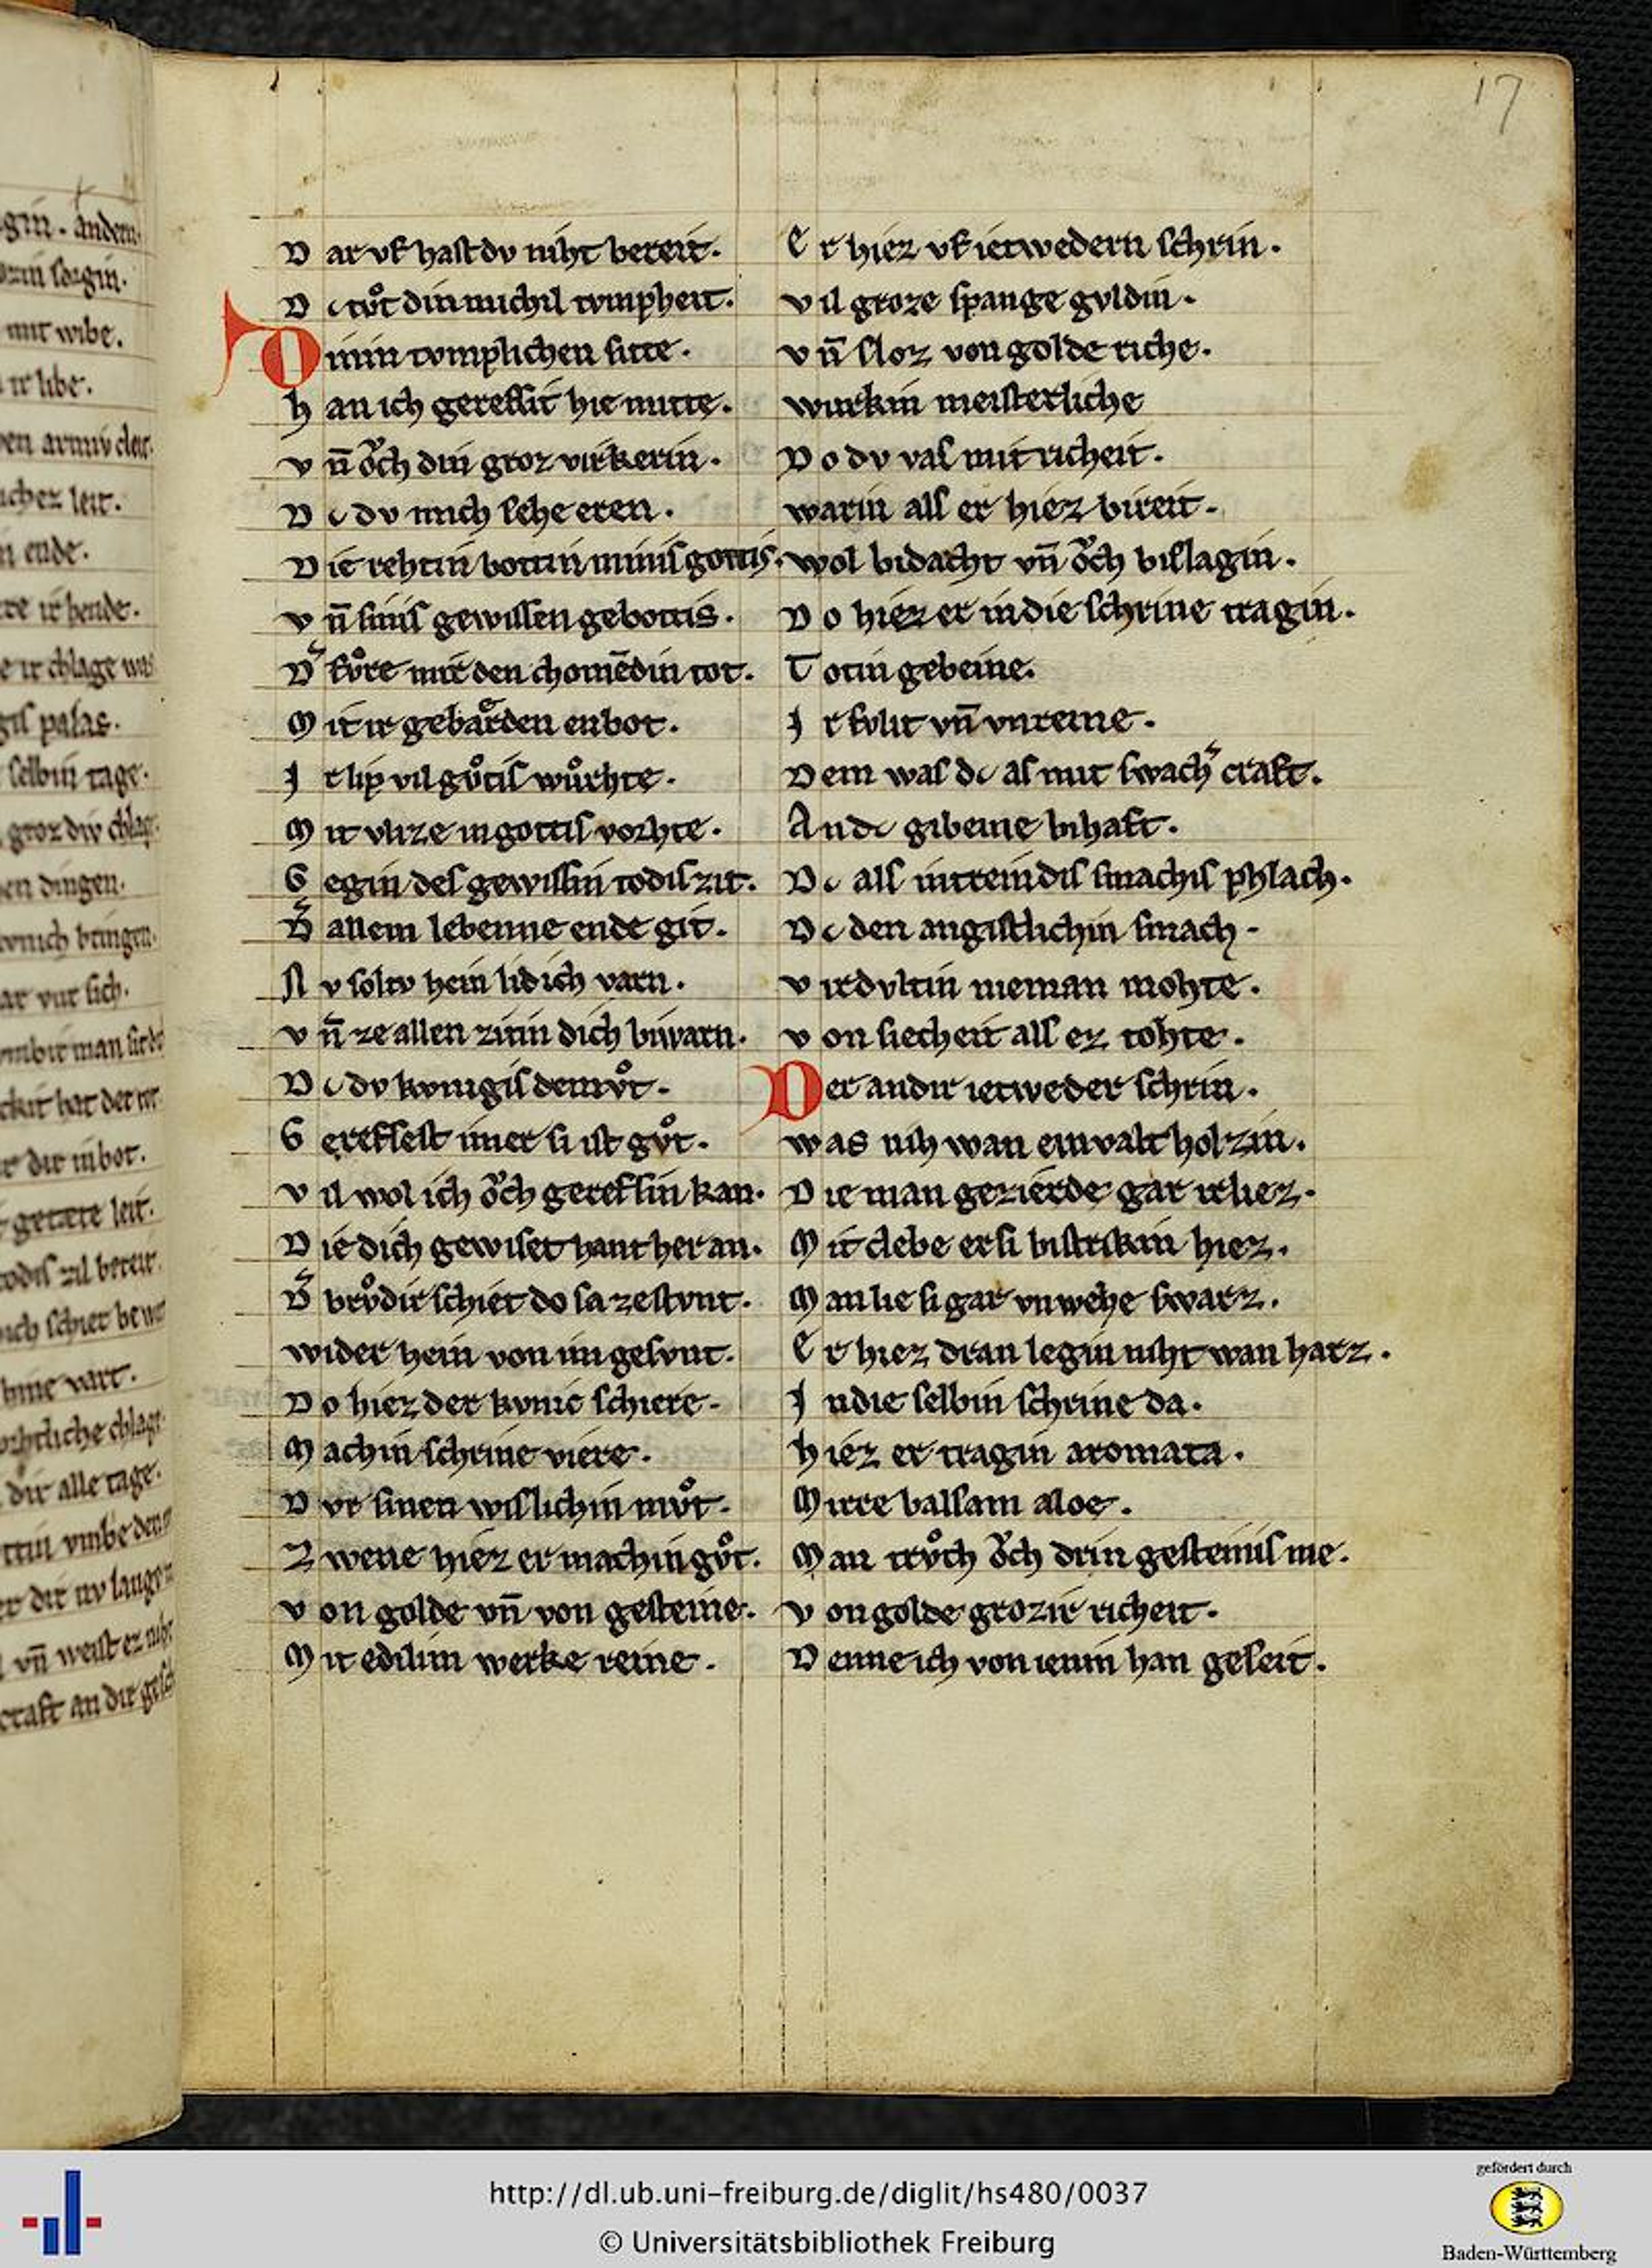Dar vf haſt dv niht bereit.
D(az) tv°ot din michil tvmpheit.
*Dinin tvmplichen ſitte.
Han ich gerefſit hie mitte.
Vn(d) o°vch din groz virkerin.
D(az) dv mich ſehe eren.
Die rehtin bottin miniſ gottis.
Vn(d) ſiniſ gewiſſen gebottis.
D(er) fv°ore mir den chome(n)din tot.
Mit ir geba°(e)rden enbot.
Ir lip vil gv°otiſ wu°orhte.
Mit vlize in gottiſ vorhte.
Gegin deſ gewiſſin todiſ zit.
D(er) allem lebenne ende git.
Nv ſoltv hein lidich varn.
Vn(d) ze allen zitin dich biwarn.
D(az) dv kvnigiſ demv°ot.
Gerefſeſt imer ſi iſt gv°ot.
Vil wol ich o°vch gerefſin kan.
Die dich gewiſet hant her an.
D(er) brv°odir ſchiet do ſa zeſtvnt.
Wider hein von im geſvnt.
Do hiez der kvnic ſchiere.
Machin ſchrine viere.
Dvr ſinen wiſlichin mv°ot.
Zwene hiez er machin gv°ot.
Von golde vn(d) von geſteine.
Mit edilim werke reine.
Er hiez vf ietwedern ſchrin.
Vil groze ſpange gvldin.
Vn(d) ſloz von golde riche.
Wurkin meiſterlilche
Do dv vaſ mit richeit.
Warin alſ er hiez bireit.
Wol bidacht vn(d) o°vch biſlagin.
Do hiez er in die ſchrine tragin.
Totin gebeine.
Ir fulit vn(d) vnreine.
Dem waſ d(az) aſ mit ſwach(er) craft.
An d(az) gibeine bihaft.
D(az) alſ intreindiſ ſmachiſ phlach.
D(az) den angiſtlichin ſmach.
Virdvltin nieman mohte.
Von ſiecheit alſ ez tohte.
*Der andir ietweder ſchrin.
Was nih wan einvalt holzin.
Die man gezierde gar irliez.
Mit clebe erſi biſtrikin hiez.
Man lie ſi gar vnwehe ſwarz.
Er hiez dran legin niht wan harz.
Indie ſelbin ſchrine da.
Hiez er tragin aromata.
Mirre balſam aloe.
Man trv°och o°vch drin geſteiniſ me.
Von golde grozir richeit.
Denne ich von ienin han geſeit.